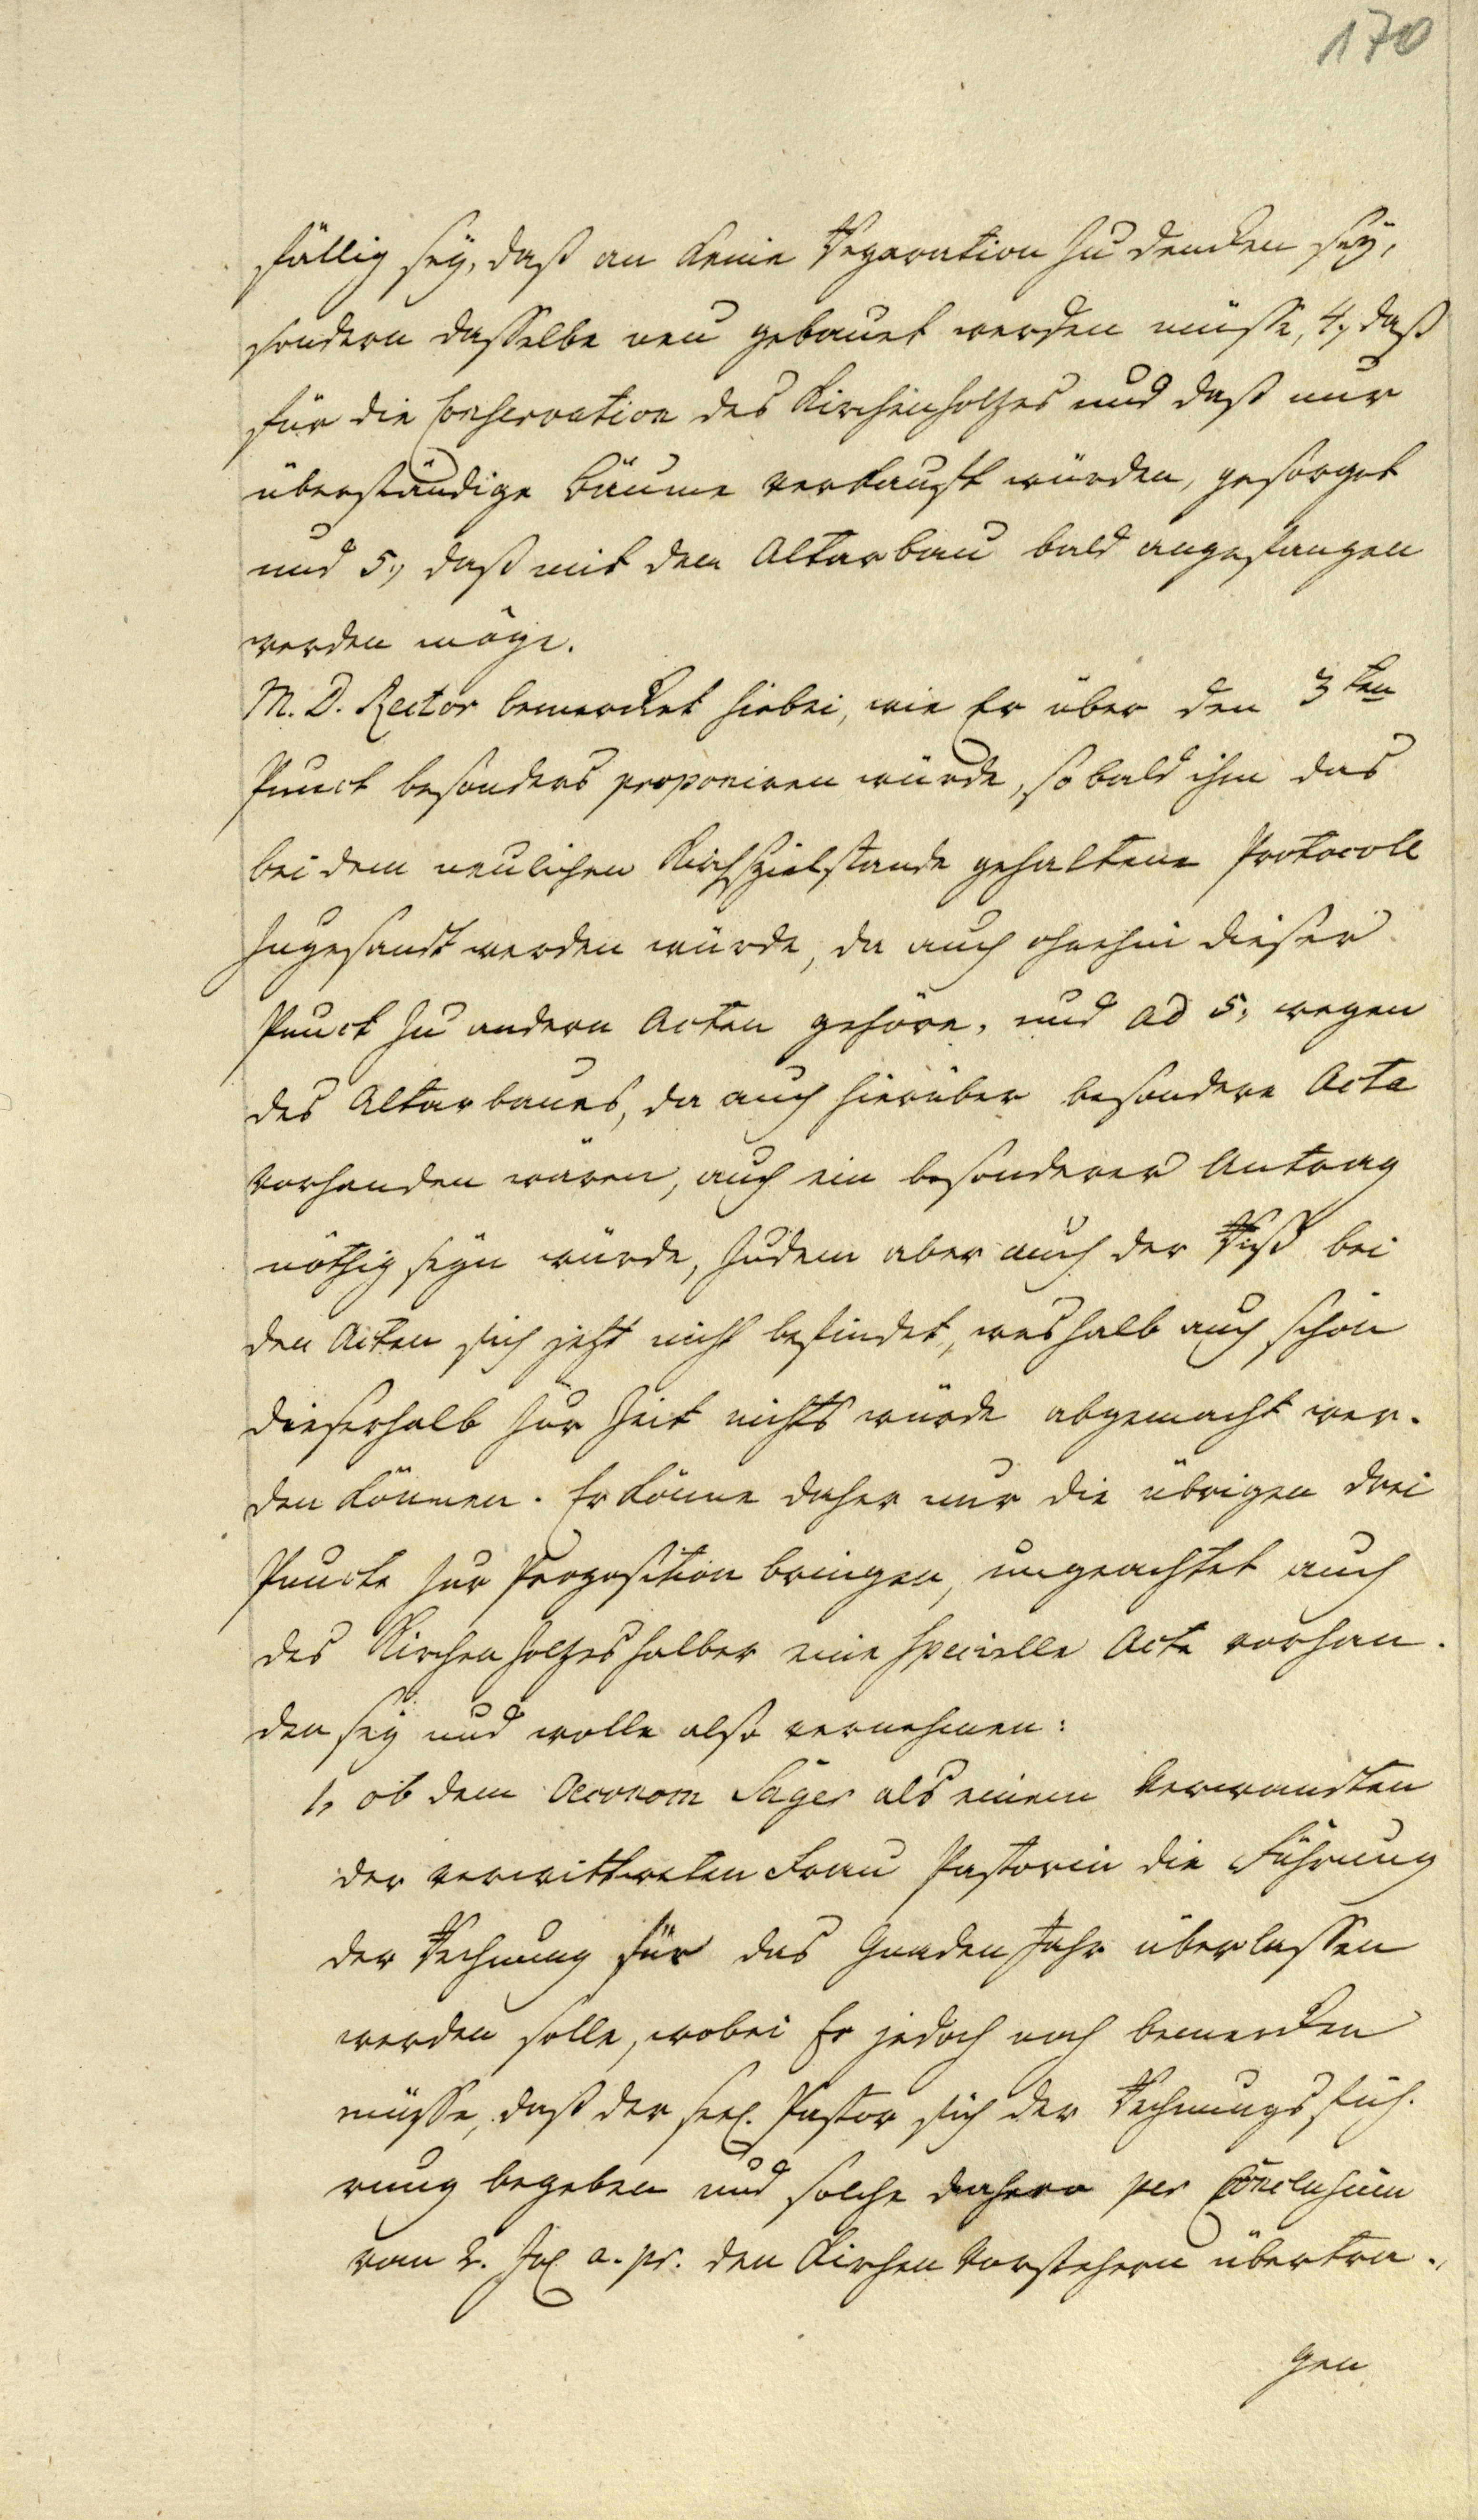fällig seÿ, daß an keine Reparation zu dencken seÿ,
sondern dasselbe neu gebauet werden müsse, 4., daß
für die Conservation des Kirchenholzes und daß nur
überständige Bäume verkauft würden, gesorget
und 5., daß mit den Altarbau bald angefangen
werden möge.
M. D. Rector bemercket hiebei, wie Er über den 3 ten
Punct besonders proponiren würde, so bald ihm das
bei dem neulichen Kirchpielstande gehaltene Protocoll
zugesandt werden würde, da auch ohnehin dieser
Punct zu andern Acten gehöre; und ad 5., wegen
des Altarbaues, da auch hierüber besondere Acta
vorhanden wären, auch ein besonderer Antrag
nöthig seÿn würde, zudem aber auch der Riß bei
den Acten sich jetzt nicht befindet, weshalb auch schon
dieserhalb zur Zeit nichts würde abgemacht wer¬
den können. Er könne daher nur die übrigen drei
Puncte zur Proposition bringen, ungeachtet auch
des Kirchenholzes halber eine specielle Acte vorhan¬
den seÿ und wolle also vernehmen:
1, ob dem Oeconom Sager als einem Verwandten
der verwittweten Frau Pastorin die Führung
der Rechnung für das Gnaden Jahr überlassen
werden solle, wobei Er jedoch noch bemercken
müsse, daß der seel. Pastor sich der Rechnungsfüh¬
rung begeben und solche dahero per Conclusum
vom 2. Jul. a. pr. den Kirchen Vorstehern übertra¬
gen